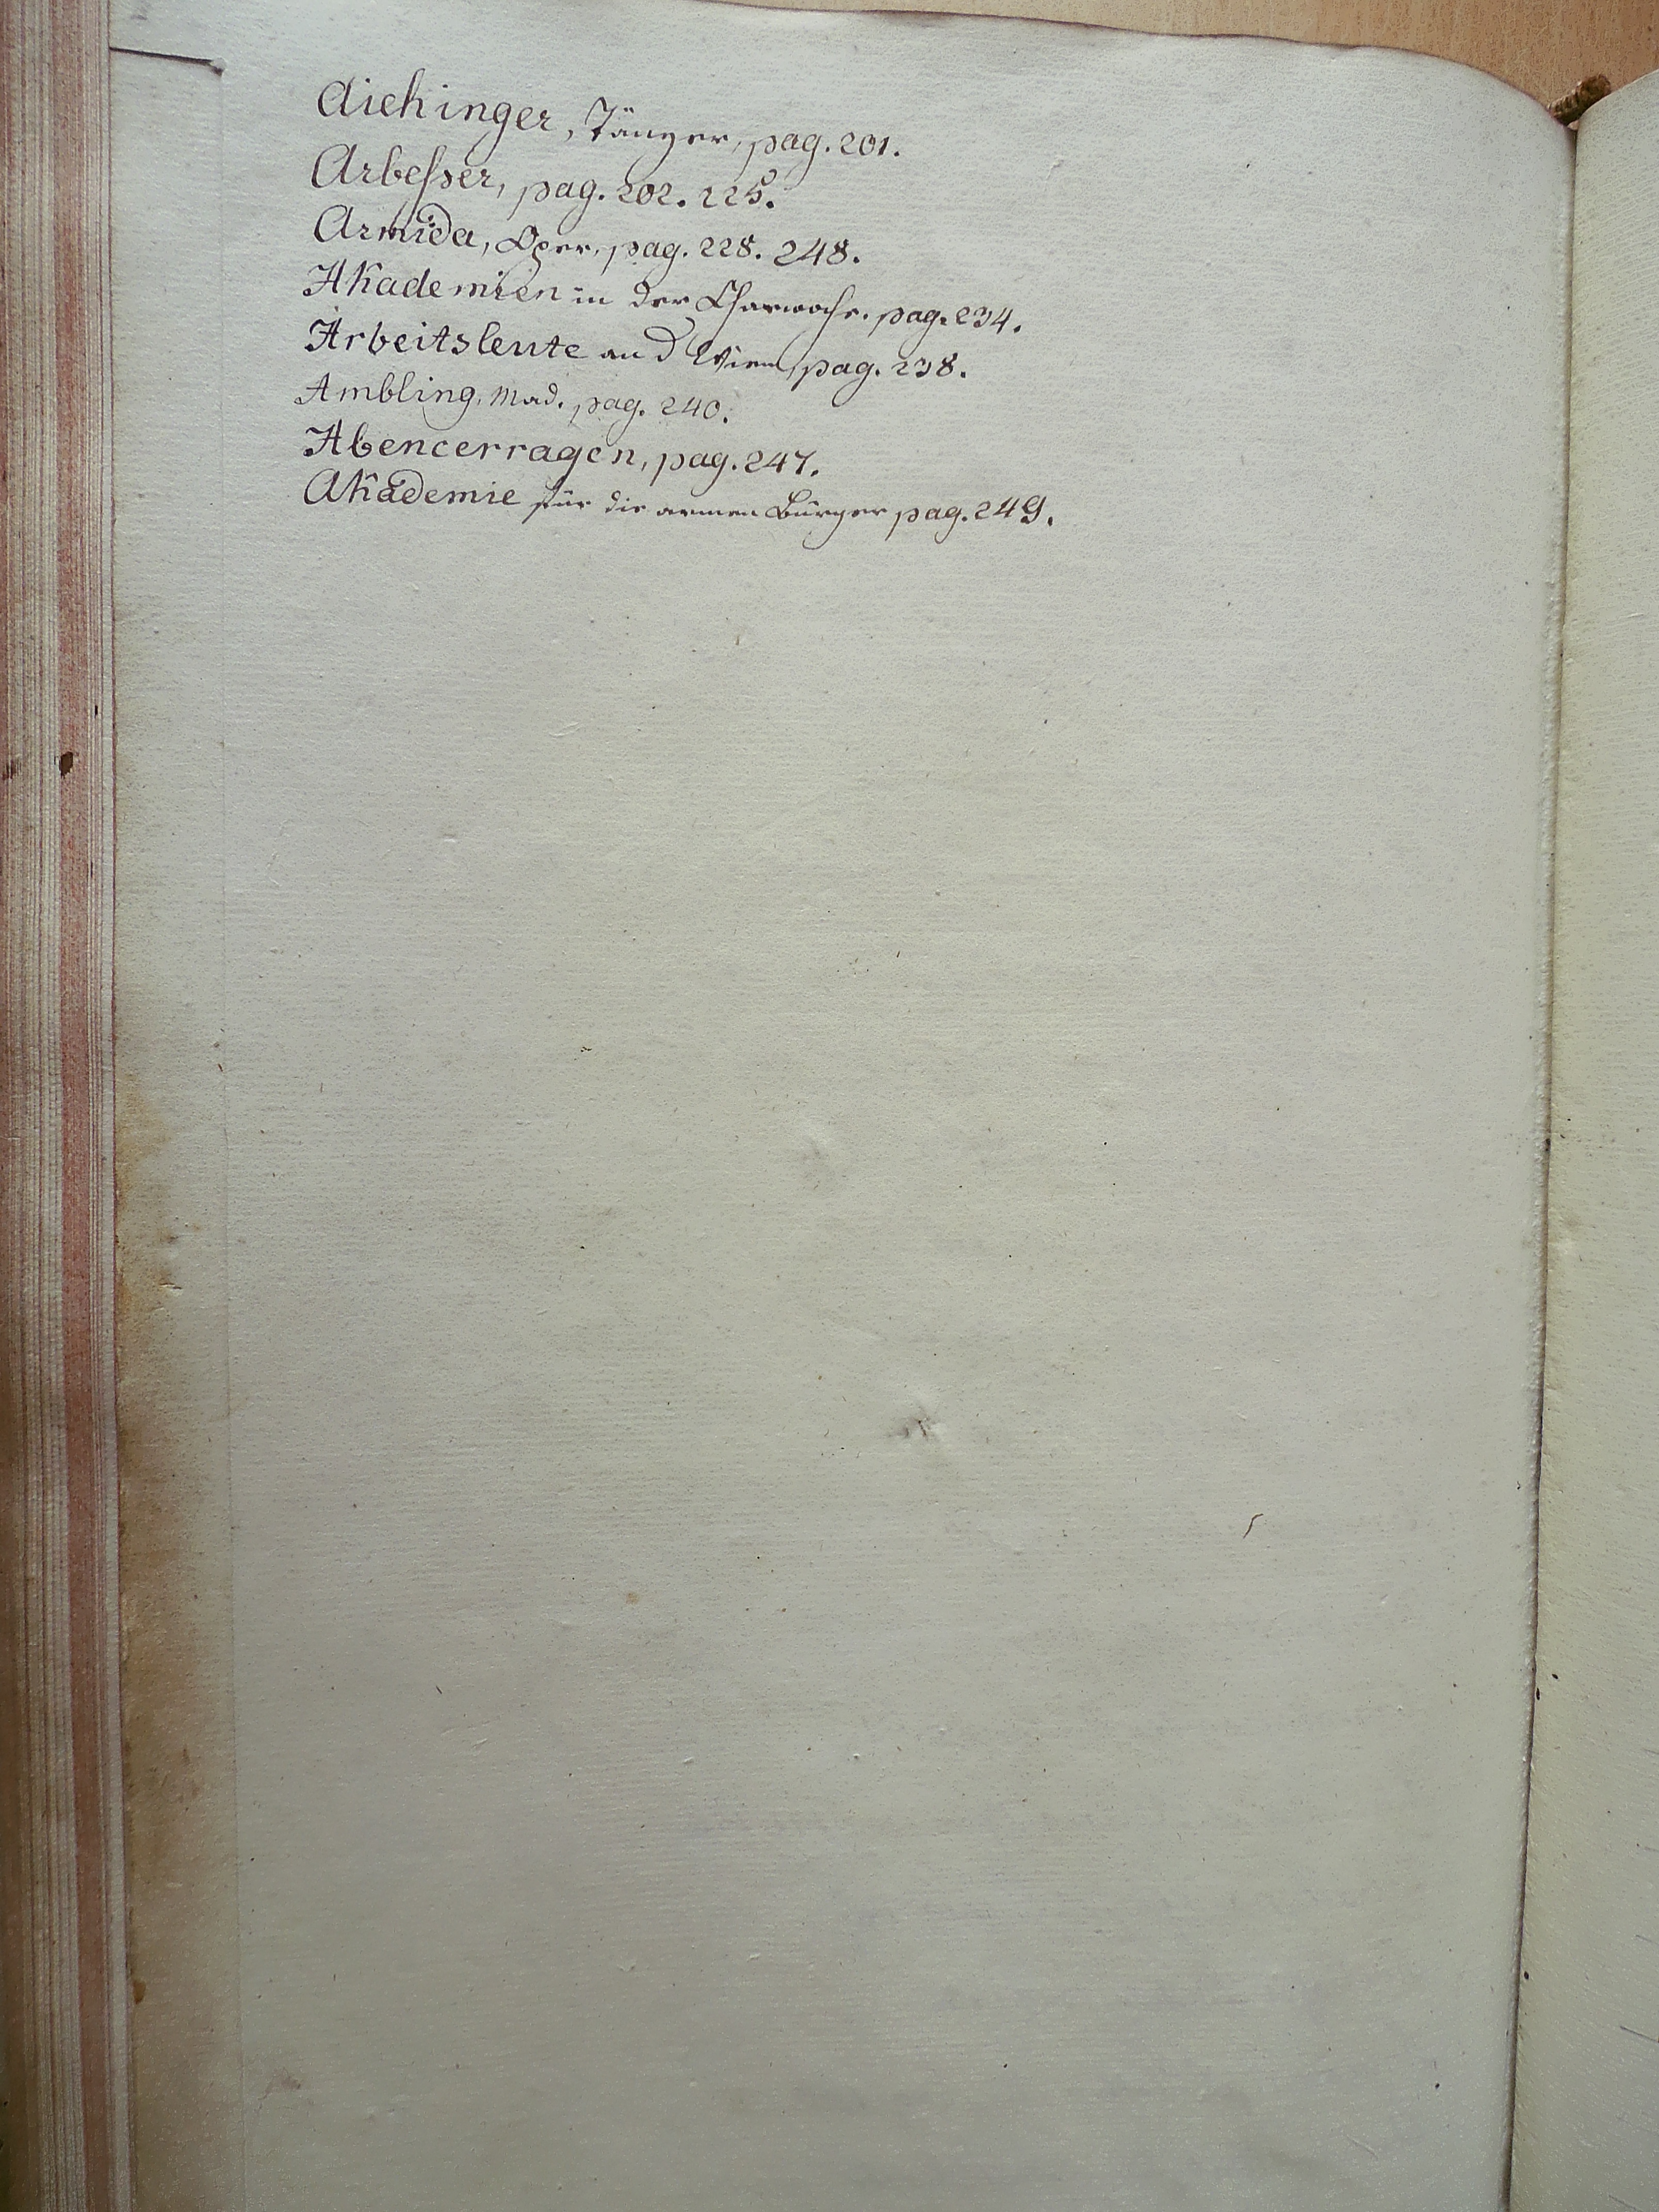Aichinger, Tänzer, pag. 201.
Arbesser, pag. 202. 225.
Armida, Oper, pag 228. 248.
Akademien in der Charwoche. pag. 234.
Arbeitsleute an d Wien, pag. 238.
Ambling, Mad. pag. 240.
Abencerragen, pag. 247.
Akademie für die armen Bürger pag. 249.